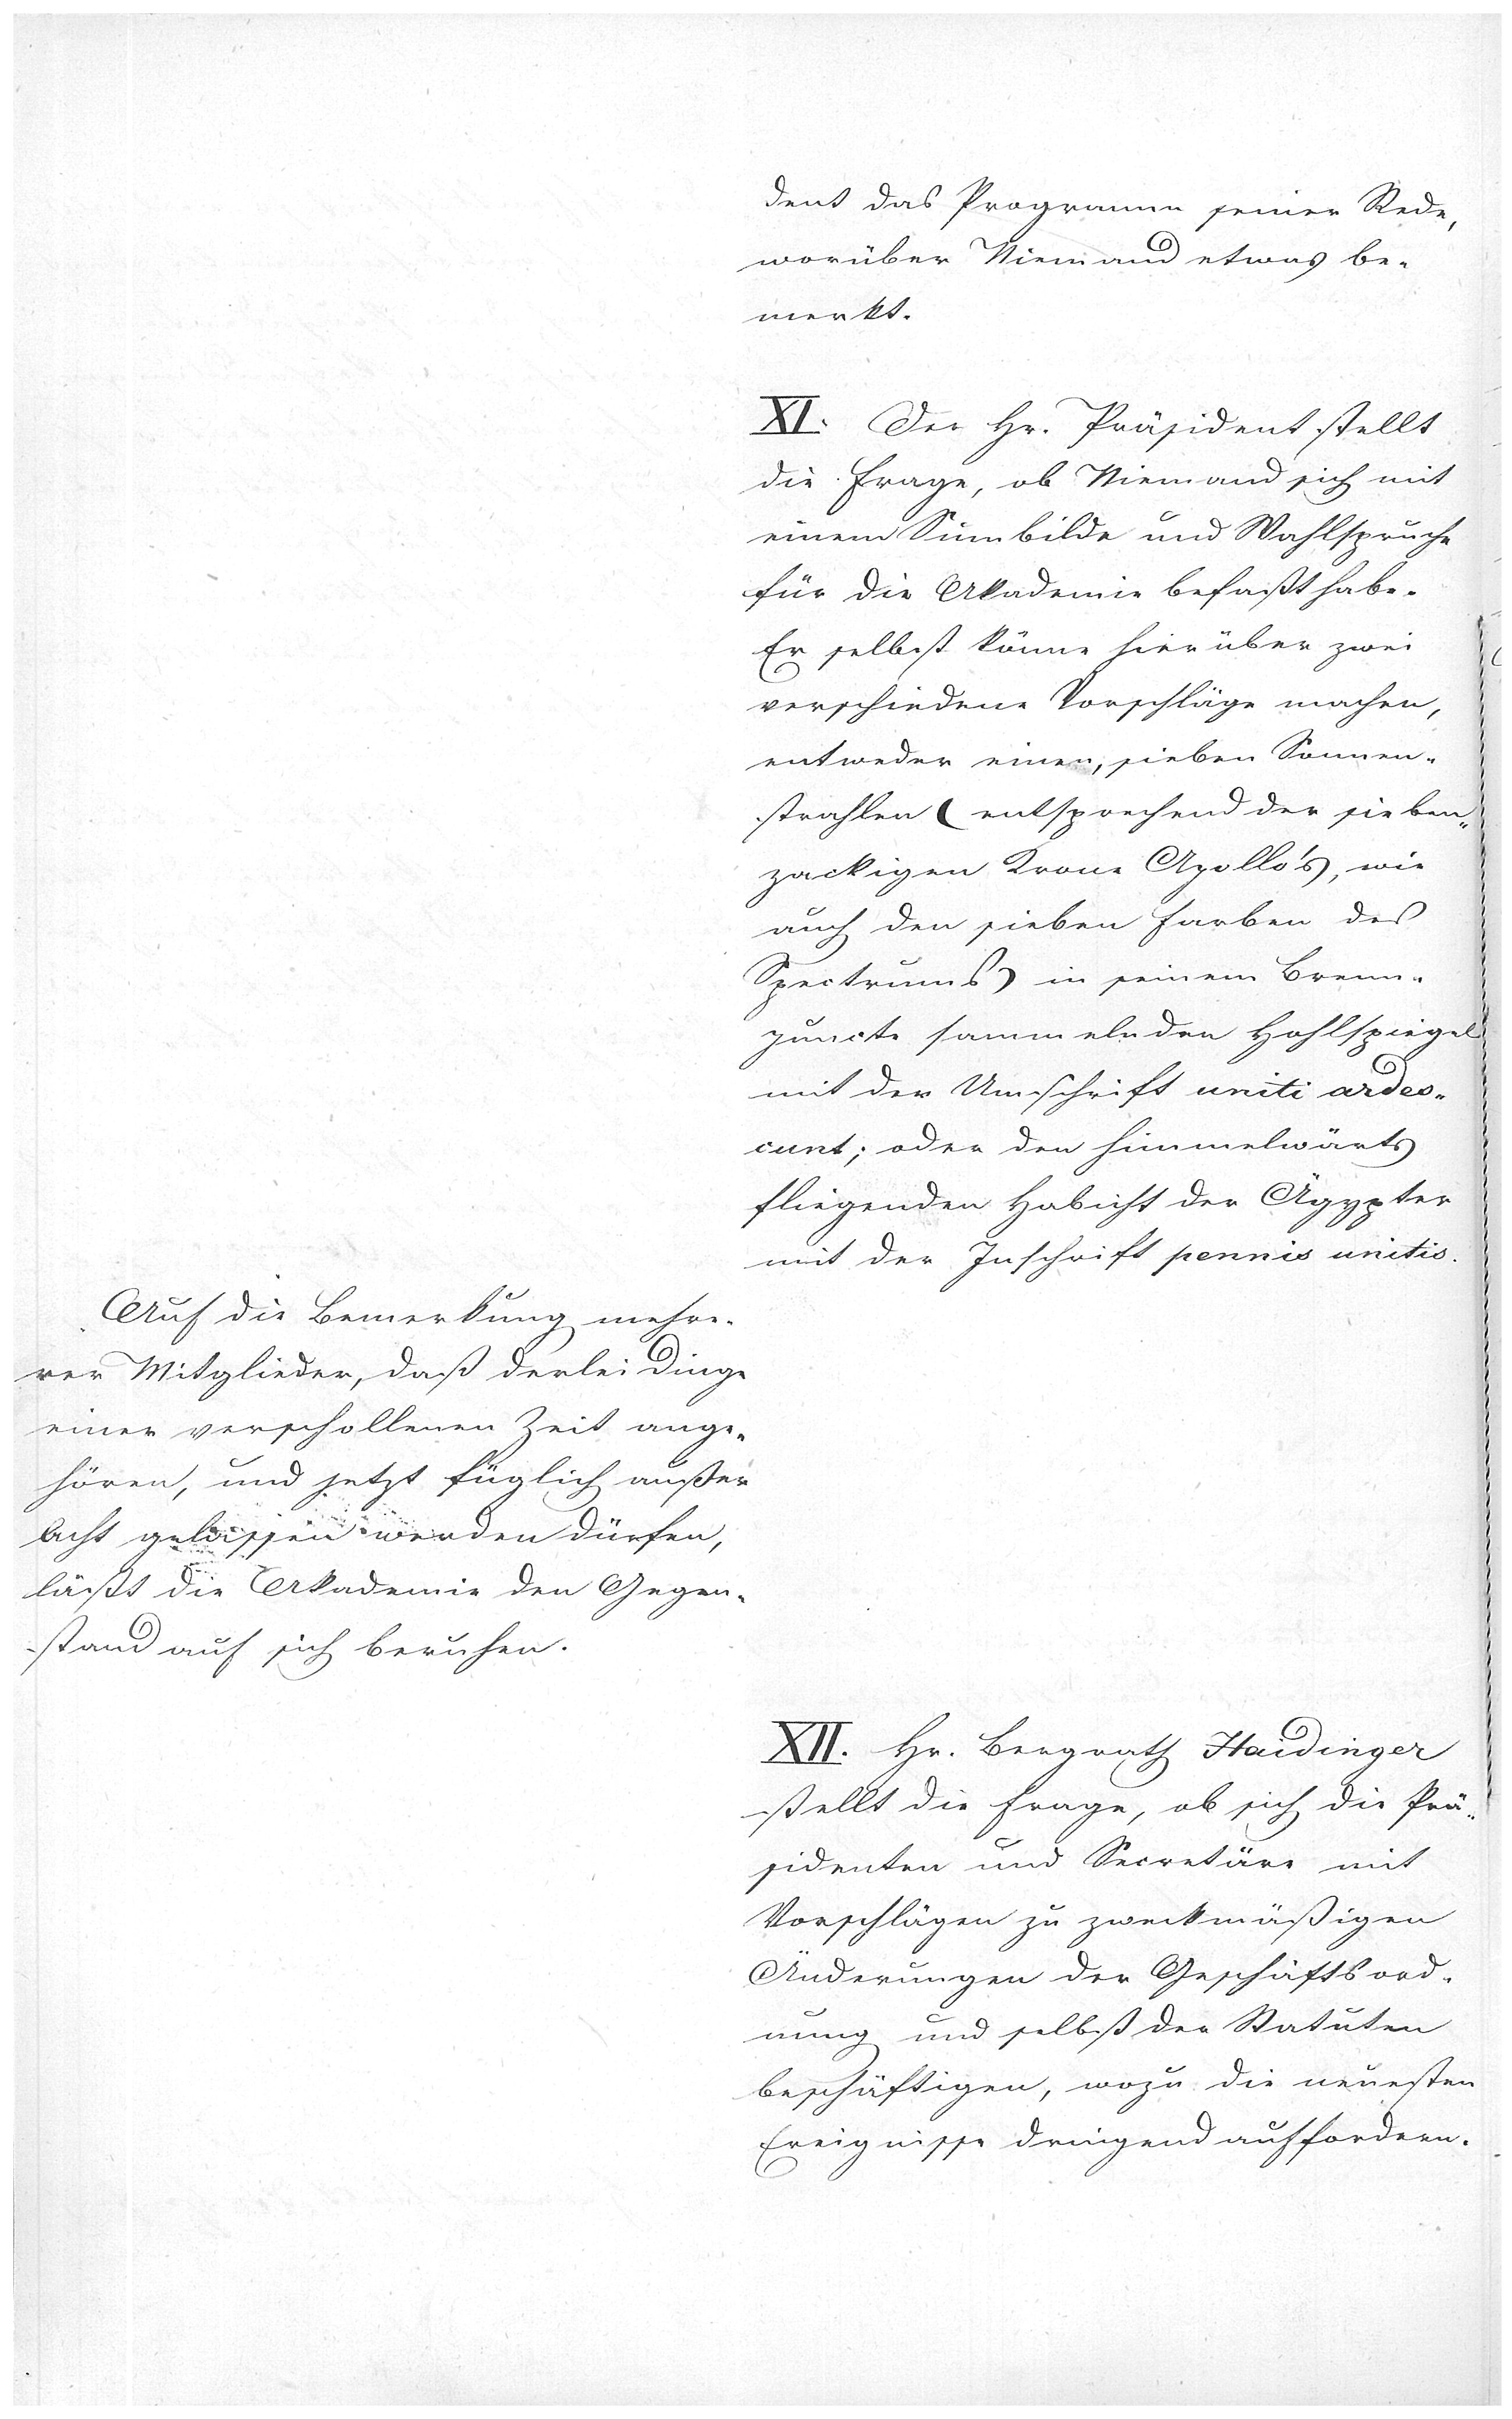dent das Programm seiner Rede,
worüber Niemand etwas be-
merkt.
XI. Der Hr. Präsident stellt
die Frage, ob Niemand sich mit
einem Sinnbilde und Wahlspruche
für die Akademie befaßt habe.
Er selbst könne hierüber zwei
verschiedene Vorschläge machen
entweder einen, sieben Sonnen-
strahlen (entsprechend der sieben-
zackigen Krone Apollo's, wie
auch den sieben Farben des
Spectrums) in seinem Brenn-
puncte sammelenden Hohlspiegel
mit der Umschrift uniti ardeo-
cunt; oder den himmelwärts
fliegenden Habicht der Ägypter
mit der Inschrift pennis unitis.
Auf die Bemerkung mehre-
rer Mitglieder, daß derlei Dinge
einer verschollenen Zeit ange-
hören, und jetzt füglich außer
Acht verlassen werden dürfen,
läßt die Akademie den Gegen-
stand auf sich beruhen.
XII. Hr. Bergrath Haidinger
stellt die Frage, ob sich die Prä-
sidenten und Secretärs mit
Vorschlägen zu zweckmäßigen
Änderungen der Geschäftsord-
nung und selbst der Statuten
beschäftigen, wozu die neuesten
Ereignisse dringend auffordern.